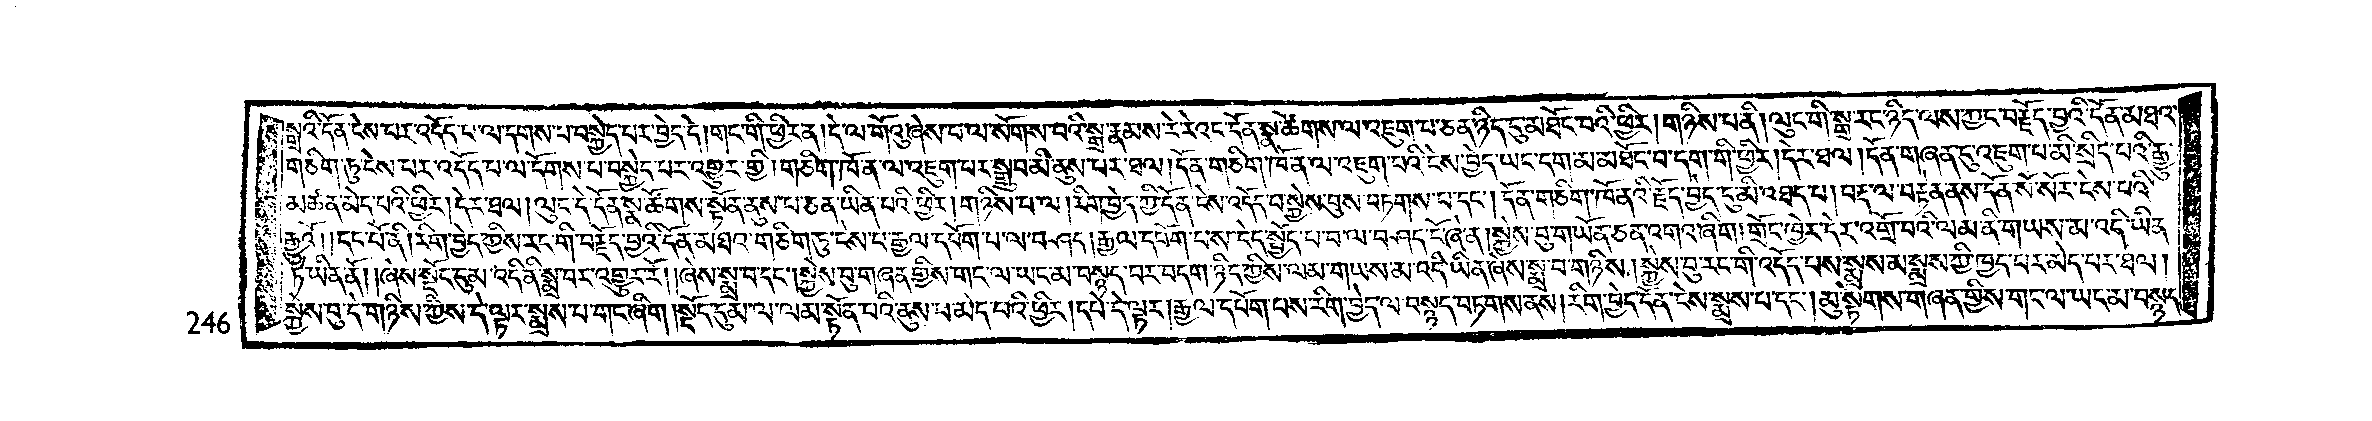སྒྲའི་དོན་ངེས་པར་འདོད་པ་ལ་དགོས་པ་བསྐྱེད་པར་བྱེད་དེ། གང་གི་ཕྱིར་ན། དེ་ལ་གོའུ་ཞེས་པ་ལ་སོགས་པའི་སྒྲ་རྣམས་རེ་རེའང་དོན་སྣ་ཚོགས་ལ་འཇུག་པ་ཅན་ཉིད་དུ་མཐོང་བའི་ཕྱིར། གཉིས་པ་ནི། ལུང་གི་སྒྲ་རང་ཉིད་ལས་ཀྱང་བརྗོད་བྱའི་དོན་མཐའ་
གཅིག་ཏུ་ངེས་པར་འདོད་པ་ལ་དོགས་པ་བསྐྱེད་པར་འགྱུར་གྱི། གཅིག་ཁོ་ན་ལ་འཇུག་པར་སྒྲུབ་མི་ནུས་པར་ཐལ། དོན་གཅིག་ཁོ་ན་ལ་འཇུག་པའི་ངེས་བྱེད་ཡང་དག་མ་མཐོང་བ་དག་གི་ཕྱིར། དེར་ཐལ། དོན་གཞན་དུ་འཇུག་པ་མི་སྲིད་པའི་རྒྱུ་
མཚན་མེད་པའི་ཕྱིར། དེར་ཐལ། ལུང་དེ་དོན་སྣ་ཚོགས་སྟོན་ནུས་པ་ཅན་ཡིན་པའི་ཕྱིར། གཉིས་པ་ལ། རིག་བྱེད་ཀྱི་དོན་ངེས་འདོད་པ་སྐྱེས་བུས་བཏགས་པ་དང་། དོན་གཅིག་ཁོ་ནའི་རྗོད་བྱེད་དུ་མི་འཐད་པ། བརྡ་ལ་བརྟེན་ནས་དོན་སོ་སོར་ངེས་པའི་
རྒྱུའོ། །དང་པོ་ནི། རིག་བྱེད་ཀྱིས་རང་གི་བརྗོད་བྱའི་དོན་མཐའ་གཅིག་ཏུ་ངེས་པ་རྒྱལ་དཔོག་པ་ལ་བཤད། རྒྱལ་དཔོག་པས་ངེད་སྤྱོད་པ་བ་ལ་བཤད་དོ་ཞེ་ན། སྐྱེས་བུ་གཡོན་ཅན་འགའ་ཞིག །གྲོང་ཁྱེར་དེར་འགྲོ་བའི་ལམ་ནི་གཡས་མ་འདི་ཡིན་
ཏེ་ཡིན་ནོ། །ཞེས་སྡོང་དུམ་འདི་ནི་སྨྲ་བར་འགྱུར་རོ། །ཞེས་སྨྲ་བ་དང་། སྐྱེས་བུ་གཞན་གྱིས་གང་ལ་ཡང་མ་བསྙད་བར་བདག་ཉིད་ཀྱིས་ལམ་གཡས་མ་འདི་ཡིན་ཞེས་སྨྲ་བ་གཉིས། སྐྱེས་བུ་རང་གི་འདོད་པས་སྨྲས་མ་སྨྲས་ཀྱི་ཁྱད་པར་མེད་པར་ཐལ།
སྐྱེས་བུ་དེ་གཉིས་ཀྱིས་དེ་ལྟར་སྨྲས་པ་གང་ཞིག །སྡོང་དུམ་ལ་ལམ་སྟོན་པའི་ནུས་པ་མེད་པའི་ཕྱིར། དཔེ་དེ་ལྟར། རྒྱལ་དཔོག་པས་རིག་བྱེད་ལ་བསྙད་བཏགས་ནས། རིག་བྱེད་དོན་ངེས་སྨྲས་པ་དང་། མུ་སྟེགས་གཞན་གྱིས་གང་ལ་ཡང་མ་བསྙད་